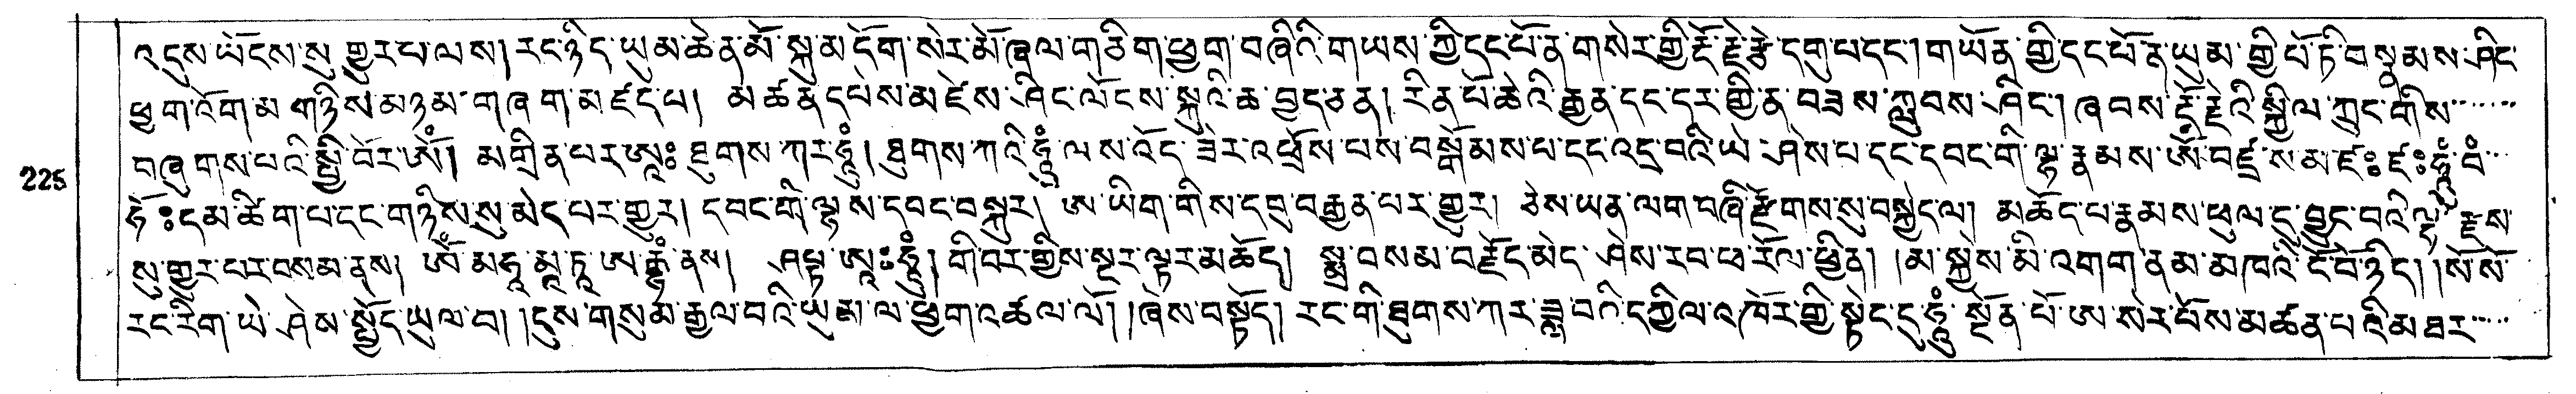འདུས་ཡོངས་སུ་གྱུར་པ་ལས། རང་ཉིད་ཡུམ་ཆེན་མོ་སྐུ་མདོག་སེར་མོ་ཞལ་གཅིག་ཕྱག་བཞིའི་གཡས་ཀྱི་དང་པོ་ན་གསེར་གྱི་རྡོ་རྗེ་རྩེ་དགུ་པ་དང་། གཡོན་གྱི་དང་པོ་ན་ཡུམ་གྱི་པོ་ཏི་བསྣམས་ཤིང་
ཕྱག་འོག་མ་གཉིས་མཉམ་གཞག་མཛད་པ། མཚན་དཔེས་མཛེས་ཤིང་ལོངས་སྐུའི་ཆ་བྱད་ཅན། རིན་པོ་ཆེའི་རྒྱན་དང་དར་གྱི་ན་བཟས་ཀླུབས་ཤིང་། ཞབས་རྡོ་རྗེའི་སྐྱིལ་ཀྲུང་གིས་
བཞུགས་པའི་སྤྱི་བོར་ཨོཾ། མགྲིན་པར་ཨཱཿ ཐུགས་ཀར་ཧཱུཾ། ཐུགས་ཀའི་ཧཱུཾ་ལས་འོད་ཟེར་འཕྲོས་པས་བསྒོམས་པ་དང་འདྲ་བའི་ཡེ་ཤེས་པ་དང་དབང་གི་ལྷ་རྣམས་ཨོཾ་བཛྲ་ས་མ་ཛཿ ཛཿ ཧཱུཾ་བཾ་
ཧོཿ དམ་ཚིག་པ་དང་གཉིས་སུ་མེད་པར་གྱུར། དབང་གི་ལྷས་དབང་བསྐུར། ཨ་ཡིག་གིས་དབུ་བརྒྱན་པར་གྱུར། ཅེས་ཡན་ལག་བཞི་རྫོགས་སུ་བསྐྱེད་ལ། མཆོད་པ་རྣམས་ཕུལ་དུ་བྱུང་བའི་ལྷ་རྫས་
སུ་གྱུར་པར་བསམ་ནས། ཨོཾ་མཧཱ་མཱ་ཏཱ་ཨརྒྷཾ་ནས། ཤྤྟ་ཨཱཿ ཧཱུཾ། གི་བར་གྱིས་སྔར་ལྟར་མཆོད། སྨྲ་བསམ་བརྗོད་མེད་ཤེས་རབ་ཕ་རོལ་ཕྱིན། །མ་སྐྱེས་མི་འགག་ནམ་མཁའི་ངོ་བོ་ཉིད། །སོ་སོ་
རང་རིག་ཡེ་ཤེས་སྤྱོད་ཡུལ་བ། །དུས་གསུམ་རྒྱལ་བའི་ཡུམ་ལ་ཕྱག་འཚལ་ལོ། །ཞེས་བསྟོད། རང་གི་ཐུགས་ཀར་ཟླ་བའི་དཀྱིལ་འཁོར་གྱི་སྟེང་དུ་ཧཱུཾ་སྔོན་པོ་ཨ་སེར་པོས་མཚན་པའི་མཐར་